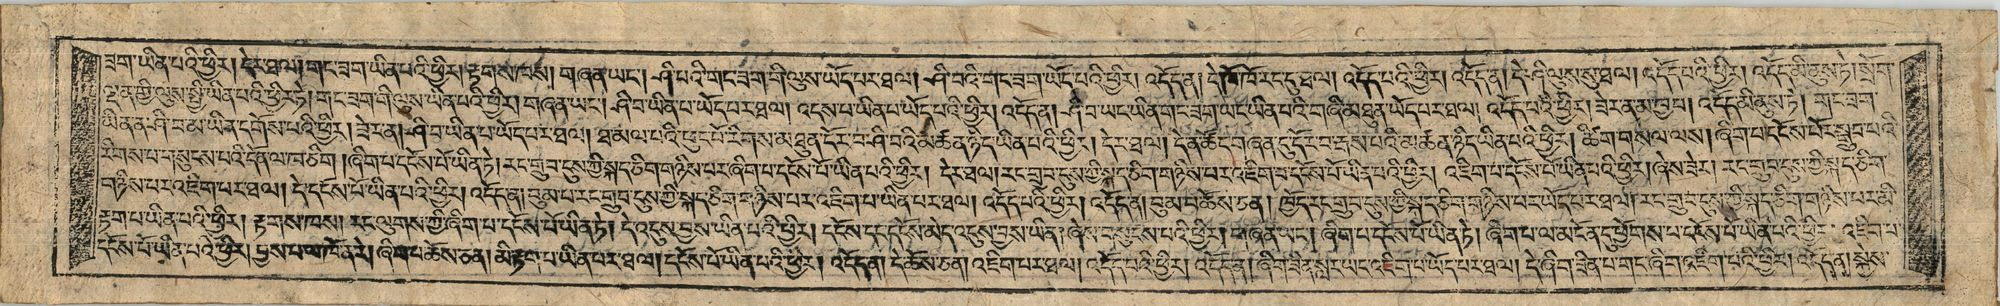ཟག་ཡིན་པའི་ཕྱིར། དེར་ཐལ། གང་ཟག་ཡིན་པའི་ཕྱིར། རྟགས་ཁས། གཞན་ཡང་། ཤི་པའི་གང་ཟག་གི་ལུས་ཡོད་པར་ཐལ། ཤི་བའི་གང་ཟག་ཡོད་པའི་ཕྱིར། འདོད་ན། དེ་ཁོ་ཁོ་རང་དུ་ཐལ། འདོད་པའི་ཕྱིར། འདོད་ན། དེ་ཤི་ལུས་སུ་ཐལ། འདོད་པའི་ཕྱིར། འདོད་མི་ནུས་ཏེ། སྲོག་
ལྡན་གྱི་ལུས་སྤྱི་ཡིན་པའི་ཕྱིར་ཏེ། གང་ཟག་གི་ལུས་ཡིན་པའི་ཕྱིར། གཞན་ཡང་། ཤི་བ་ཡིན་པ་ཡོད་པར་ཐལ། འདས་པ་ཡིན་པ་ཡོད་པའི་ཕྱིར། འདོད་ན། ཤི་བ་ཡང་ཡིན་གང་ཟག་ཡང་ཡིན་པའི་གཞི་མཐུན་ཡོད་པར་ཐལ། འདོད་པའི་ཕྱིར། ཟེར་ན་མ་ཁྱབ། འདོད་མི་ནུས་ཏེ། གང་ཟག་
ཡིན་ན་ཤི་བ་མ་ཡིན་དགོས་པའི་ཕྱིར། ཟེར་ན། ཤི་བ་ཡིན་པ་ཡོད་པར་ཐལ། ཐ་མལ་པའི་ཕུང་པོ་རིགས་མཐུན་དོར་བ་ཤི་བའི་མཚན་ཉིད་ཡིན་པའི་ཕྱིར། དེར་ཐལ། དེ་ན་ཚོད་གཞན་དུ་དོར་བ་རྒས་པའི་མཚན་ཉིད་ཡིན་པའི་ཕྱིར། ཚིག་གསལ་ལས། ཞིག་བ་དངོས་པོར་སྒྲུབ་པའི་
རིགས་པ་གསུངས་པའི་དོན་ལ་ཁ་ཅིག །ཞིག་པ་དངོས་པོ་ཡིན་ཏེ། རང་གྲུབ་དུས་ཀྱི་སྐད་ཅིག་གཉིས་པར་ཞིག་པ་དངོས་པོ་ཡིན་པའི་ཕྱིར། དེར་ཐལ། རང་གྲུབ་དུས་ཀྱི་སྐད་ཅིག་གཉིས་པར་འཇིག་པ་དངོས་པོ་ཡིན་པའི་ཕྱིར། འཇིག་པ་དངོས་པོ་ཡིན་པའི་ཕྱིར། ཞེས་ཟེར། རང་གྲུབ་དུས་ཀྱི་སྐད་ཅིག་
གཉིས་པར་འཇིག་པར་ཐལ། དེ་དངོས་པོ་ཡིན་པའི་ཕྱིར། འདོད་ན། བུམ་པ་རང་གྲུབ་དུས་ཀྱི་སྐད་ཅིག་གཉིས་པར་འཇིག་པ་ཡིན་པར་ཐལ། འདོད་པའི་ཕྱིར། འདོད་ན། བུམ་པ་ཆོས་ཅན། ཁྱོད་རང་གྲུབ་དུས་ཀྱི་སྐད་ཅིག་གཉིས་པར་ཡོད་པར་ཐལ། རང་གྲུབ་དུས་ཀྱི་སྐད་ཅིག་གཉིས་པར་མི་
རྟག་པ་ཡིན་པའི་ཕྱིར། རྟགས་ཁས། རང་ལུགས་ཀྱི་ཞིག་པ་དངོས་པོ་ཡིན་ཏེ། དེ་འདུས་བྱས་ཡིན་པའི་ཕྱིར། དངོས་དང་དངོས་མེད་འདུས་བྱས་ཡིན། ཞེས་གསུངས་པའི་ཕྱིར། གཞན་ཡང་། ཞིག་པ་དངོས་པོ་ཡིན་ཏེ། ཞིག་པ་ལ་མངོན་དུ་ཕྱོགས་པ་དངོས་པོ་ཡིན་པའི་ཕྱིར། འཇིག་པ་
དངོས་པོ་ཡིན་པའི་ཕྱིར། བྱས་པ་ལ་ཁོ་ན་རེ། ཞིག་པ་ཆོས་ཅན། མི་རྟག་པ་ཡིན་པར་ཐལ། དངོས་པོ་ཡིན་པའི་ཕྱིར། འདོད་ན། དེ་ཆོས་ཅན། འཇིག་པར་ཐལ། འདོད་པའི་ཕྱིར། འདོད་ན། ཞིག་ཟིན་སླར་ཡང་འཇིག་པ་ཡོད་པར་ཐལ། དེ་ཞིག་ཟིན་པ་གང་ཞིག་འཇིག་པའི་ཕྱིར། འདོད་ན། སྐྱེས་